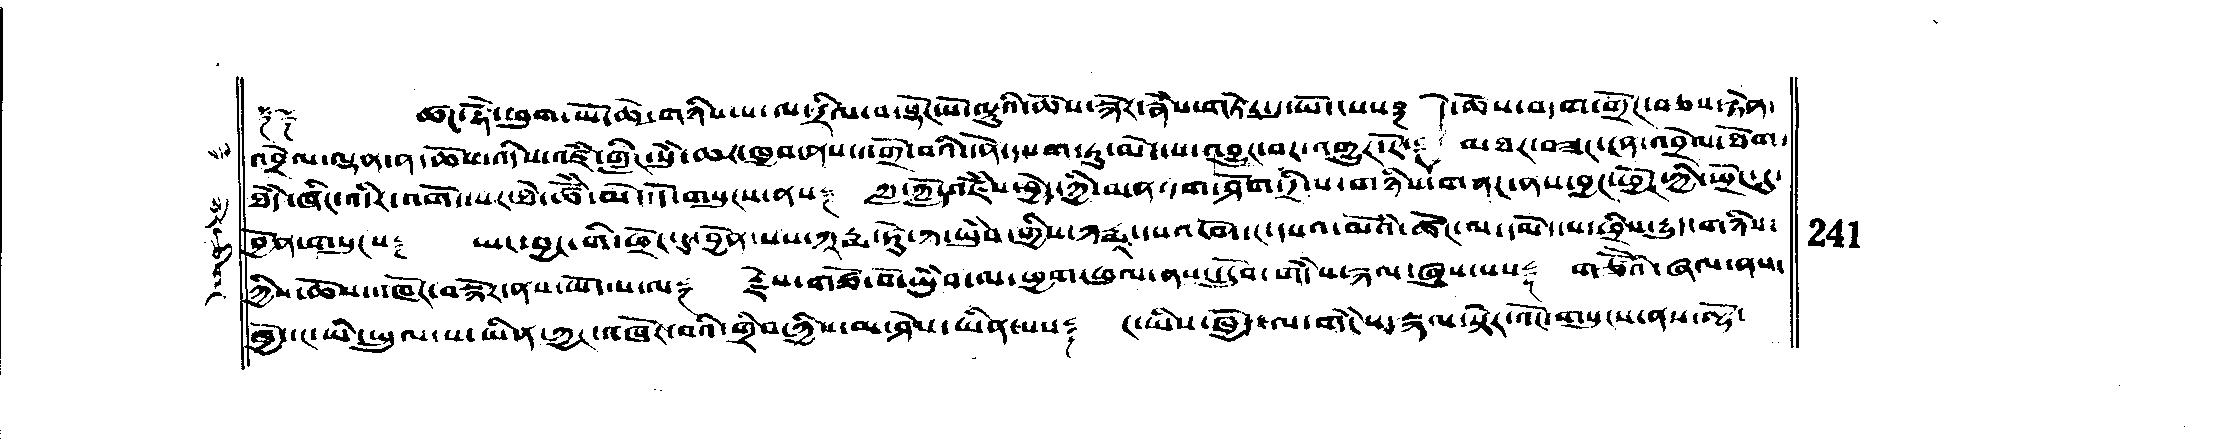ཚང་རྡོ་རྗེ་ཕུག་མོ་ཆེ་གཉིས་པ་ལ་དྲིལ་བ་སྡོང་པོ་ལྟ་བུའི་ཆོས་སྐོར་རྣམས་གཏེར་དུ་ཡོད་པས། དེ་ཆོས་བདག་གྲོགས་བཅས་རྟེན་
འབྲེལ་ལྡན་ན་ཆོས་འདིས་འཛམ་གླིང་སུམ་ཆར་ཁྱབ་ནས་འགྲོ་བའི་དོན་དཔག་ཏུ་མེད་པ་འབྱུང་བར་འགྱུར་རོ། མཐར་བཟང་ངན་འབྲེལ་ཐོག་
ཐམས་ཅད་ཞིང་འདིར་དགོད་པར་ཐེ་ཚོམ་མེད་དོ་གསུངས་ནས། ཀླ་ཀློ་འཇོམས་བྱེད་ཀྱི་མན་ངག་ཤོག་དྲིལ་གཉིས་གནང་ནས་བྱང་ཕྱོགས་ཀྱིས་ཕོ་བྲང་དུ་
བྱོན་གསུངས། ཡང་བྱང་གི་ཕོ་བྲང་དུ་བྱོན་པས་ཀརྨ་ཧེ་རུ་ཀ་ཡབ་ཡུམ་གྱིས་ཀརྨ་དཔའ་བོ་དང་དཔའ་མོའི་ཚོགས་ལ་དམོད་པ་ཕྲིན་ལས་རྒྱུད་གཉིས་
ཀྱིས་ཆོས་འཁོར་སྐོར་ནས་ཡོད་པ་ལ། རྗེས་གཙོ་བོ་ཡབ་ཡུམ་ལ་ཕྱག་ཕུལ་ནས་དངོས་གྲུབ་གདམས་སྐལ་ཞུས་པས། གཙོ་བོའི་ཞལ་ནས་
ཁྱོད་ང་ཡི་སྤྲུལ་པ་ཡིན་ཀྱང་འཁོར་བའི་གྲིབ་ཀྱིས་མ་ཤེས་པ་ཡིན་པས། ང་ཡིས་ཁྱོད་ལ་གདམས་སྐལ་སྟེར་འོང་གསུངས་ནས་ལྷོ་